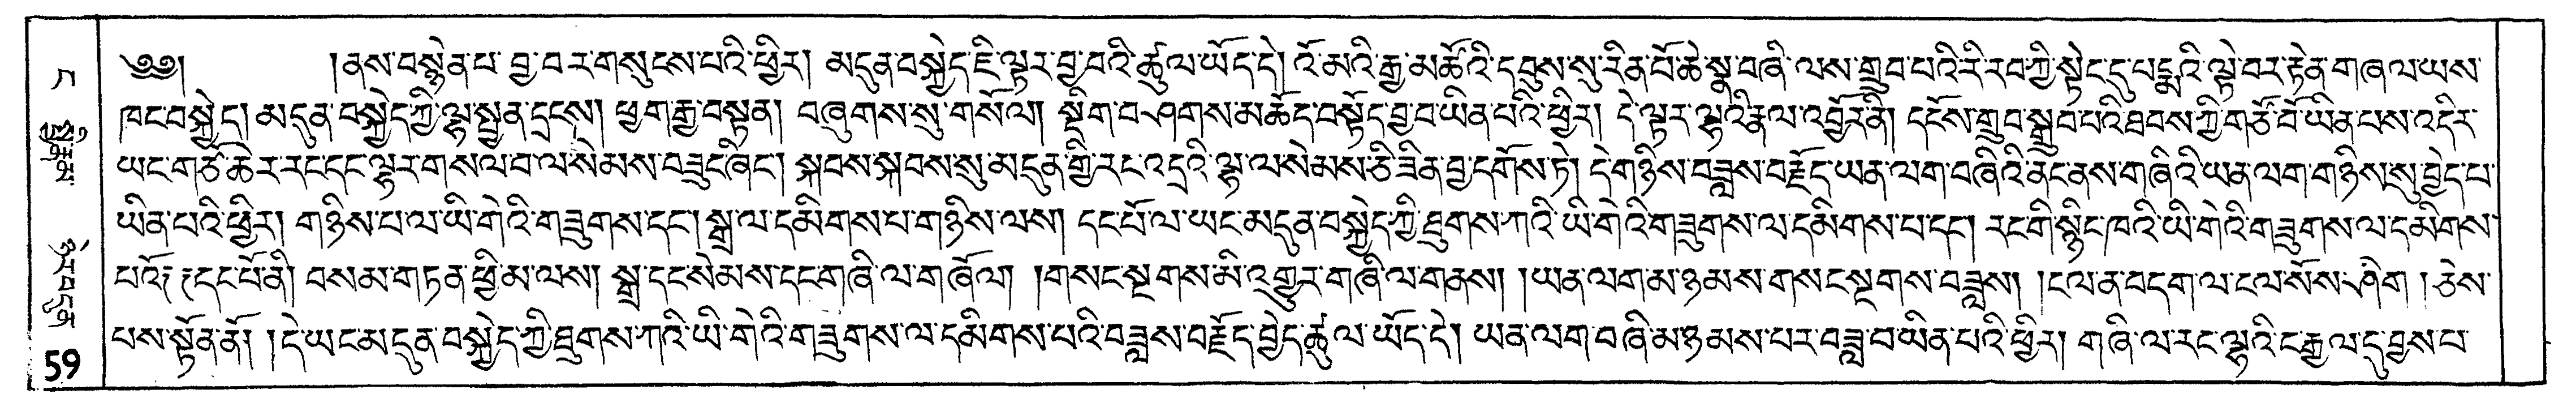༄༅། །ནས་བསྙེན་པ་བྱ་བར་གསུངས་པའི་ཕྱིར། མདུན་བསྐྱེད་ཇི་ལྟར་བྱ་བའི་ཚུལ་ཡོད་དེ། འོ་མའི་རྒྱ་མཚོའི་དབུས་སུ་རིན་པོ་ཆེ་སྣ་བཞི་ལས་གྲུབ་པའི་རི་རབ་ཀྱི་སྟེང་དུ་པདམའི་ལྟེ་བར་རྟེན་གཞལ་ཡས་
ཁང་བསྐྱེད། མདུན་བསྐྱེད་ཀྱི་ལྷ་སྤྱན་དྲངས། ཕྱག་རྒྱ་བསྟན། བཞུགས་སུ་གསོལ། སྡིག་བཤགས་མཆོད་བསྟོད་བྱ་བ་ཡིན་པའི་ཕྱིར། དེ་ལྟར་ལྷའི་རྣལ་འབྱོར་ནི། དངོས་གྲུབ་སྒྲུབ་པའི་ཐབས་ཀྱི་གཙོ་བོ་ཡིན་པས་འདིར་
ཡང་གཙོ་ཆེར་རང་དང་ལྷར་གསལ་བ་ལ་སེམས་བཟུང་ཞིང་། སྐབས་སྐབས་སུ་མདུན་གྱི་རང་འདྲའི་ལྷ་ལ་སེམས་ཅི་ཟིན་བྱ་དགོས་ཏེ། དེ་གཉིས་བཟླས་བརྗོད་ཡན་ལག་བཞིའི་ནང་ནས་གཞིའི་ཡན་ལག་གཉིས་སུ་བྱེད་པ་
ཡིན་པའི་ཕྱིར། གཉིས་པ་ལ་ཡི་གེའི་གཟུགས་དང་། སྒྲ་ལ་དམིགས་པ་གཉིས་ལས། དང་པོ་ལ་ཡང་མདུན་བསྐྱེད་ཀྱི་ཐུགས་ཀའི་ཡི་གེའི་གཟུགས་ལ་དམིགས་པ་དང་། རང་གི་སྙིང་ཁའི་ཡི་གེའི་གཟུགས་ལ་དམིགས་
པའོ། །དང་པོ་ནི། བསམ་གཏན་ཕྱི་མ་ལས། སྒྲ་དང་སེམས་དང་གཞི་ལ་གཞོལ། །གསང་སྔགས་མི་འགྱུར་གཞི་ལ་གནས། །ཡན་ལག་མ་ཉམས་གསང་སྔགས་བཟླས། །ངལ་ན་བདག་ལ་ངལ་སོས་ཤིག །ཅེས་
པས་སྟོན་ནོ། །དེ་ཡང་མདུན་བསྐྱེད་ཀྱི་ཐུགས་ཀའི་ཡི་གེའི་གཟུགས་ལ་དམིགས་པའི་བཟླས་བརྗོད་བྱེད་ཚུལ་ཡོད་དེ། ཡན་ལག་བཞི་མ་ཉམས་པར་བཟླ་བ་ཡིན་པའི་ཕྱིར། གཞི་ལ་རང་ལྷའི་ང་རྒྱལ་དུ་བྱས་པ་